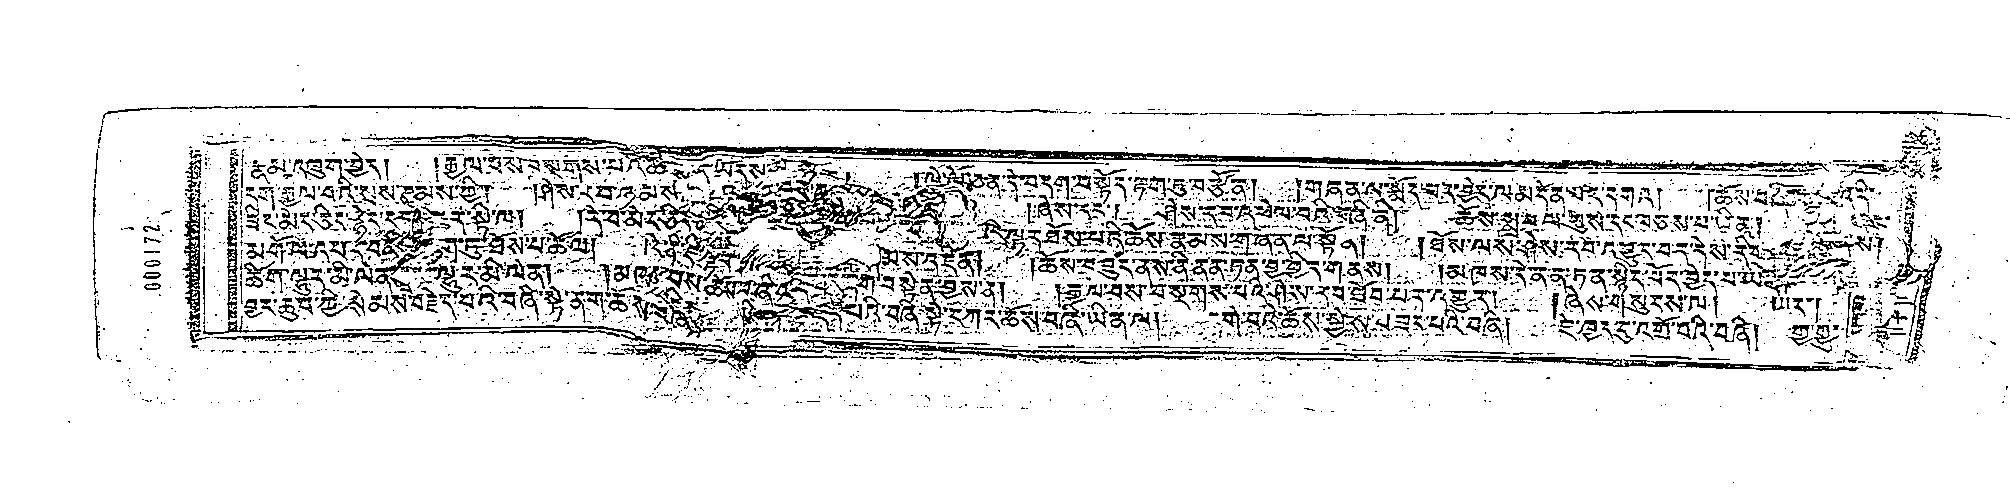རྣམ་འཁྲུག་བྱེད། །རྒྱལ་བས་བསྔགས་པའི་ཆོས་ནི་ཡོངས་མི་སྟོན། །ལེ་ལོ་ཅན་དེ་བདག་བསྟོད་རྟག་ཏུ་བརྩོན། །གཞན་ལ་སྨོད་པར་བྱེད་ལ་མངོན་པར་དགའ། །ཆོས་བཞི་འདི་
དག་རྒྱལ་བའི་སྲས་རྣམས་ཀྱི། །ཤེས་རབ་ཉམས་པར་འགྱུར་བར་རྒྱལ་བས་གསུངས། །ཞེས་དང་། ཤེས་རབ་འཕེལ་བའི་བཞི་ནི། ཆོས་སྨྲ་པ་ལ་གུས་དང་བཅས་པ་ཡིན། །ཟང་
ཟིང་མེད་ཅིང་རྙེད་དང་བཀུར་སྟི་ལ། །རེ་བ་མེད་ཅིང་ཚིགས་བཅད་མི་སེམས་པར། །ཇི་ལྟར་ཐོས་པའི་ཆོས་རྣམས་གཞན་ལ་སྟོན། །ཐོས་ལས་ཤེས་རབ་འབྱུང་བར་དེས་རིག་ནས། །
མགོ་ལ་འབད་བཞིན་རྟག་ཏུ་ཐོས་པ་ཚོལ། །དེ་ནི་ཇི་ལྟར་ཐོས་པའི་དོན་རྣམས་འཛིན། །ཆོས་བཟུང་ནས་ནི་ནན་ཏན་བྱ་ཕྱིར་གནས། །མཁས་དེ་ནན་ཏན་སྙིང་པོར་བྱེད་པ་ཡིན། །
ཚིག་ལྷུར་མི་ལེན་སྨྲ་བ་ལྷུར་མི་ལེན། །མཁས་བས་ཆོས་བཞི་འདི་དག་བསྟེན་བྱས་ན། །རྒྱལ་བས་བསྔགས་པའི་ཤེས་རབ་ཐོབ་པར་འགྱུར། །ཞེས་གསུངས་ལ། ཡང་།
བྱང་ཆུབ་ཀྱི་སེམས་བརྗེད་པའི་བཞི་སྟེ་ནག་ཆོས་བཞི། མི་བརྗེད་པའི་བཞི་སྟེ་དཀར་ཆོས་བཞི་ཡིན་ལ། དགེ་བའི་ཆོས་སྐྱེས་བཟང་པའི་བཞི། ཇེ་ཁྱད་དུ་འགྲོ་བའི་བཞི། གྱ་གྱུ་